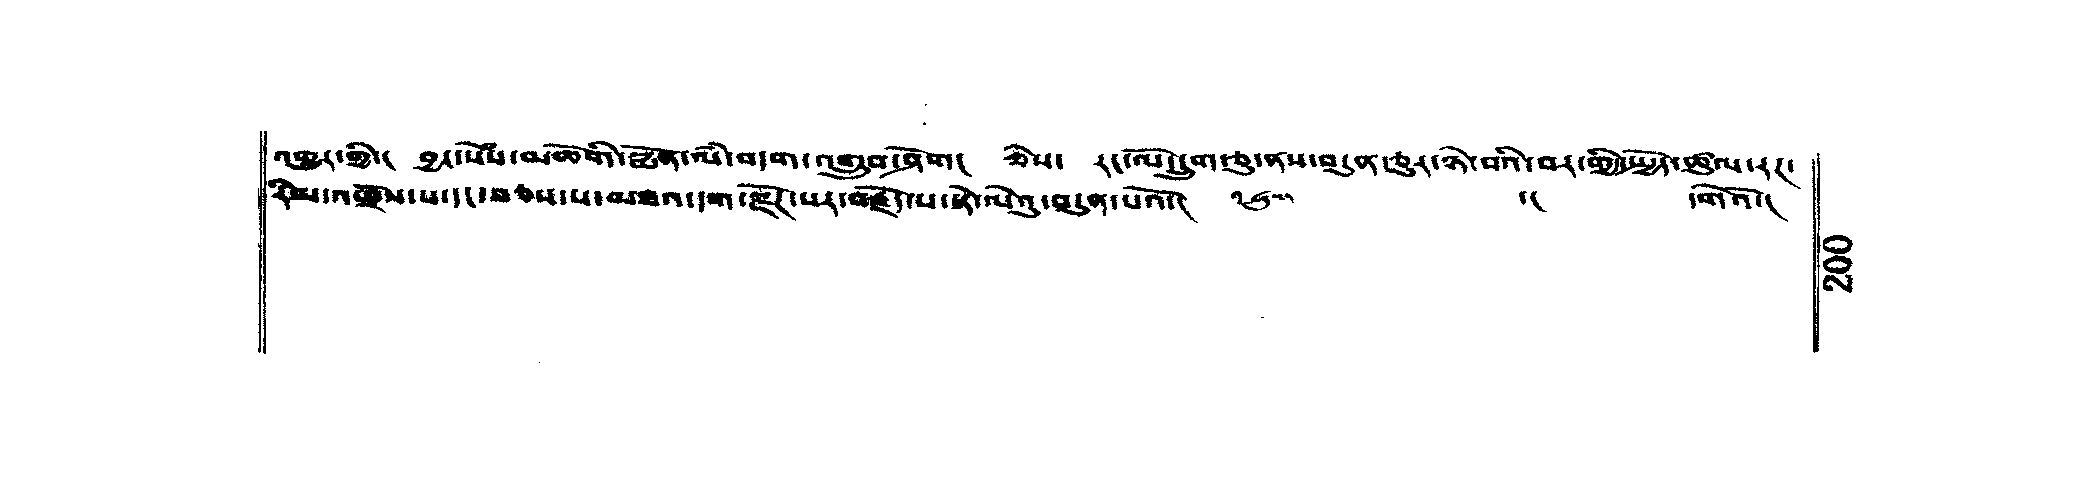འགྱུར་གྱི། །བྱང་སེམས་མཆོག་གི་སྨོན་ལམ་བདག་གྲུབ་ཤོག ཅེས། རང་ལོ་དྲུག་ཅུ་ནས་བདུན་ཅུར་ཉེ་བའི་བར་གྱི་སྤྱོད་ཡུལ་རགས་
རིམ་འཕྲོས་པ་དང་བཅས་པ་མཐའ་དག་རྫོགས་པར་བརྗོད་པ་སྟེ་ལེའུ་བདུན་པའོ།།དགེའོ།།